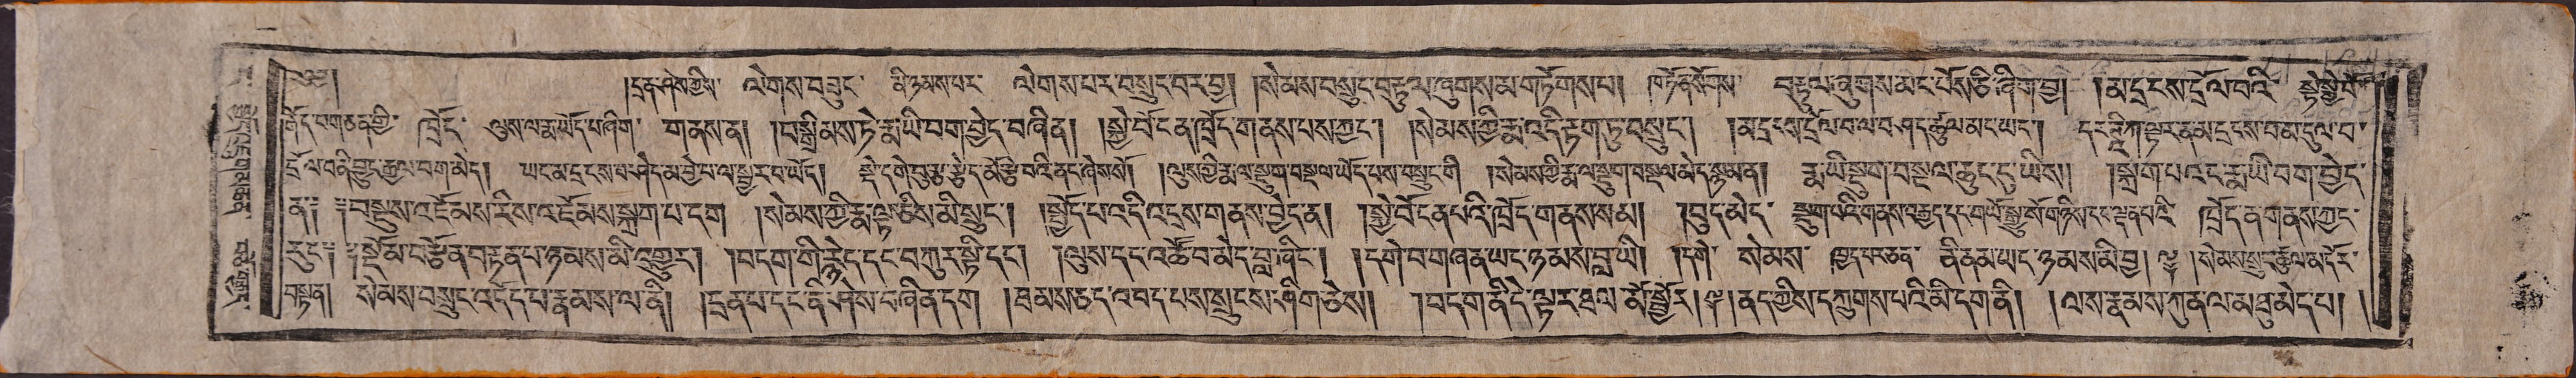༄༅། ། དྲན་ཤེས་ཀྱིས་ལེགས་བཟུང་། མི་ཉམས་པར་ལེགས་པར་བསྲུང་བར་བྱ། །སེམས་བསྲུང་བརྟུལ་ཞུགས་མ་གཏོགས་པ། ཁ་ཏོན་སོགས་བརྟུལ་ཞུགས་མང་པོས་ཅི་ཞིག་བྱ། །མ་དྲངས་དྲལ་བའི་སྟེ་སྐྱེ་བོ་
ཆེད་བར་ཅན་གྱི་ཁྲོད་ལུས་ལ་རྨ་ཡོད་པ་ཞིག་གནས་ན། །བསྒྲིམས་ཏེ་རྨ་ཡི་བག་བྱེད་བཞིན། །སྐྱེ་བོ་ངན་ཁྲོད་གནས་པས་ཀྱང་། །སེམས་ཀྱི་རྨ་འདི་རྟག་ཏུ་བསྲུང་། །མ་དྲངས་དྲོལ་བ་ལ་བཤད་ཚུལ་མང་ཡང་། དར་ཌཱི་ཀ་ལྟར་ན་མ་དྲངས་པ་མ་དུལ་བ།
དྲོལ་བ་ནི་བྱུང་རྒྱལ་བག་མེད། ཡང་མ་དྲངས་པ་ཤེད་མ་བྱེ་བ་ལ་སྦྱར་བ་ཡོད། སྡེ་དགེ་བུ་རྩ་རྩེད་མོ་རྩེ་བའི་ནག་ཞེས་སོ། །ལུས་ཀྱི་རྨ་ལ་སྡུག་བསྔལ་ཡོད་པས་བསྲུང་གི །སེམས་ཀྱི་རྨ་ལ་སྡུག་བསྔལ་མེད་སྙམ་ན། རྨ་ཡི་སྡུག་བསྔལ་ཆུང་ངུ་ཡིས། །སྐྲག་པའང་རྨ་ཡི་བག་བྱེད་
ན༑ ༑བསྡུས་འཇོམས་རིས་འཇོམས་སྐྲག་པ་དག །སེམས་ཀྱི་རྨ་ལྟ་ཅིས་མི་སྲུང་། །སྤྱོད་པ་འདི་འདྲས་གནས་བྱེད་ན། །སྐྱེ་བོ་ངན་པའི་ཁྲོད་གནས་སམ། །བུད་མེད་སྡུག་པའི་གནས་བརྒྱད་དང་གཡོ་སྒྱུ་སོ་གཉིས་དང་ལྡན་པའི་ཁྲོད་ན་གནས་ཀྱང་
རུང༑ །སྡོམ་བརྩོན་བརྟན་པ་ཉམས་མི་འགྱུར། །བདག་གི་རྙེད་དང་བཀུར་སྟི་དང་། །ལུས་དང་འཚོ་བ་མེད་བླ་ཞིང་། །དགེ་བ་གཞན་ཡང་ཉམས་བླ་ཡི། །དགེ་སེམས་ཁྱད་པར་ཅན་ནི་ནམ་ཡང་ཉམས་མི་བྱ། ༈ །སེམས་སྲུང་ཚུལ་མདོར་
བསྟན། སེམས་བསྲུང་འདོད་པ་རྣམས་ལ་ནི། །དྲན་པ་དང་ནི་ཤེས་བཞིན་དག །ཐམས་ཅད་འབད་པས་སྲུངས་ཤིག་ཅེས། །བདག་ནི་དེ་ལྟར་ཐལ་མོ་སྦྱོར། ༈ །ནད་ཀྱིས་དཀྲུགས་པའི་མི་དག་ནི། །ལས་རྣམས་ཀུན་ལ་མཐུ་མེད་པ། །